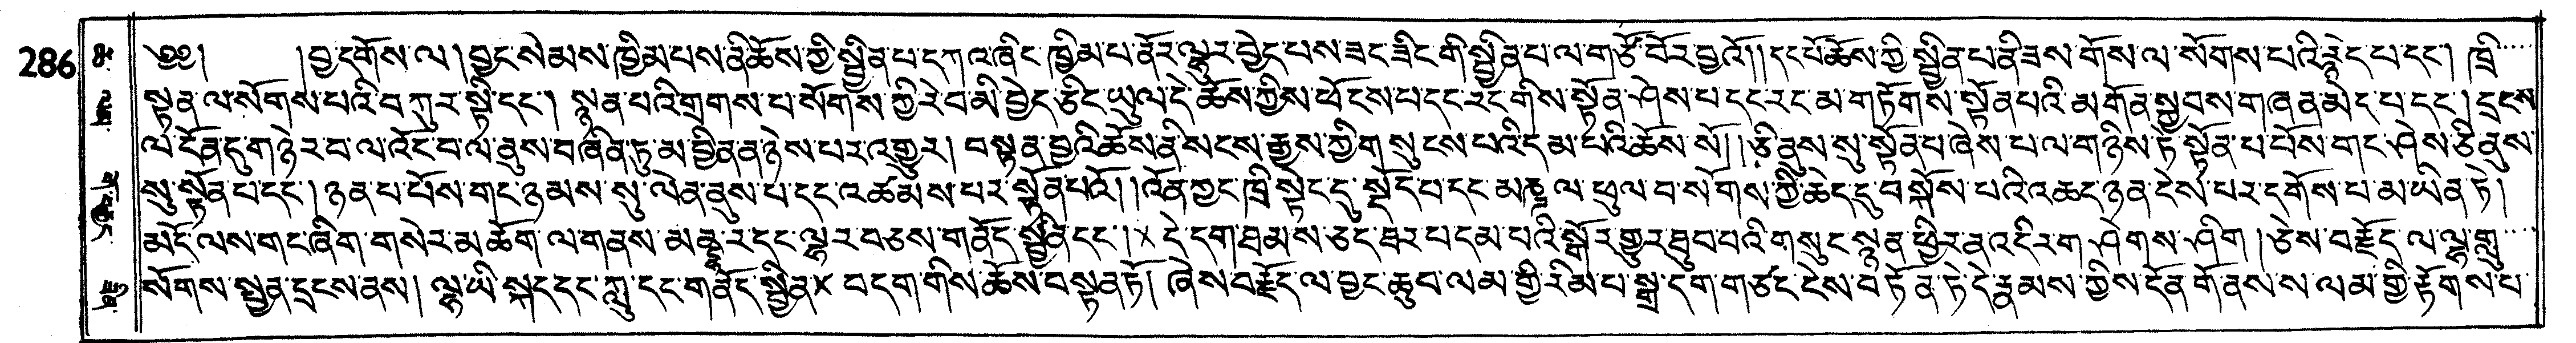༄༅། །བྱ་དགོས་ལ། བྱང་སེམས་ཁྱིམ་པས་ནི་ཆོས་ཀྱི་སྦྱིན་པ་དཀའ་ཞིང་ཁྱིམ་པ་ནོར་ལྷུར་བྱེད་པས་ཟང་ཟིང་གི་སྦྱིན་པ་ལ་གཙོ་བོར་བྱའོ། །དང་པོ་ཆོས་ཀྱི་སྦྱིན་པ་ནི་ཟས་གོས་ལ་སོགས་པའི་རྙེད་པ་དང་། ཁྲི་
སྟན་ལ་སོགས་པའི་བཀུར་སྟི་དང་། སྙན་པའི་གྲགས་པ་སོགས་ཀྱི་རེ་བ་མི་བྱེད་ཅིང་ཡུལ་དེ་ཆོས་ཀྱིས་ཕོངས་པ་དང་རང་གིས་སྟོན་ཤེས་པ་དང་རང་མ་གཏོགས་སྟོན་པའི་མགོན་སྐྱབས་གཞན་མེད་པ་དང་། དྲངས་
ལ་དོན་དུ་གཉེར་བ་ལ་འོང་བ་ལ་ནུས་བཞིན་ཏུ་མ་བྱིན་ན་ཉེས་པར་འགྱུར། བསྟན་བྱའི་ཆོས་ནི་སངས་རྒྱས་ཀྱི་གསུངས་པའི་དམ་པའི་ཆོས་སོ། །ཅི་ནུས་སུ་སྟོན་པ་ཞེས་པ་ལ་གཉིས་ཏེ་སྟོན་པ་པོས་གང་ཤེས་ཅི་ནུས་
སུ་སྟོན་པ་དང་། ཉན་པ་པོས་གང་ཉམས་སུ་ལེན་ནུས་པ་དང་འཚམས་པར་སྟོན་པའོ། །འོན་ཀྱང་ཁྲི་སྟེང་དུ་སྡོད་པ་དང་མཎྜལ་ཕུལ་བ་སོགས་ཀྱི་ཆེད་དུ་བསྐོས་པའི་འཆད་ཉན་ངེས་པར་དགོས་པ་མ་ཡིན་ཏེ།
མདོ་ལས་གང་ཞིག་གསེར་མཆོག་ལ་གནས་མཎྡྷ་ར་དང་ལྷར་བཅས་གནོད་སྦྱིན་དང་། དེ་དག་ཐམས་ཅད་ཐར་པ་དམ་པའི་སྒོར་གྱུར་ཐུབ་པའི་གསུང་སྙན་ཕྱིར་ན་འདིར་གཤེགས་ཤིག །ཅེས་བརྗོད་ལ་ལྷ་གླུ་
སོགས་སྤྱན་དྲངས་ནས། ལྷ་ཡི་སྐད་དང་ཀླུ་དང་གནོད་སྦྱིན་྾་བདག་གིས་ཆོས་བསྟན་ཏོ། ཞེས་བརྗོད་ལ་བྱང་ཆུབ་ལམ་གྱི་རིམ་པ་སྒྲ་དག་གཙང་ངེས་བཏོན་ཏེ་དེ་རྣམས་ཀྱིས་དོན་གོ་ནས་ས་ལམ་གྱི་རྟོགས་པ་